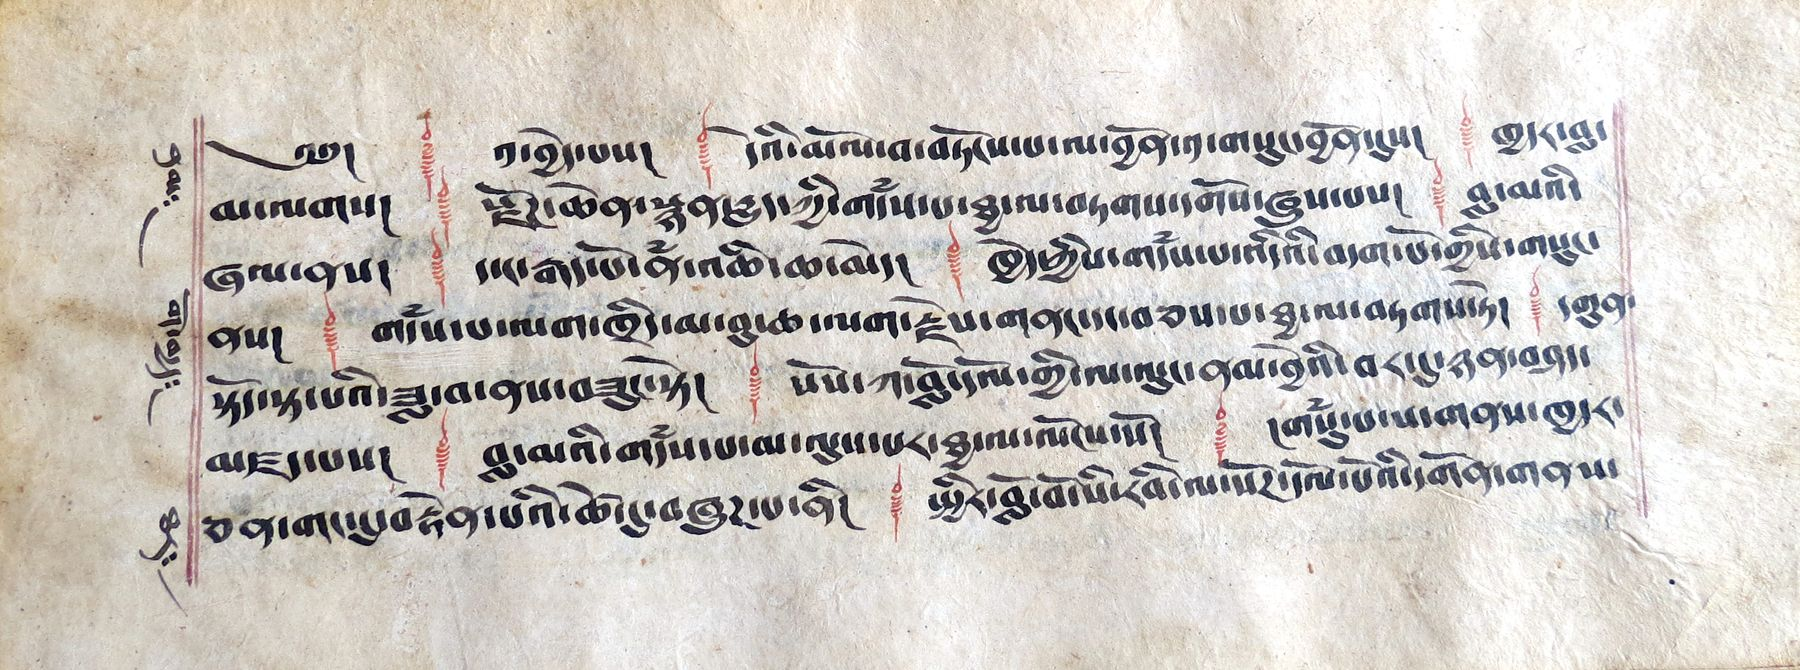ཤིག་བྱེད་པས། དེའི་མོ་ལ་བཏོང་པ་ལ་བྱོན་ཅིག་གསུངས་བྱོན་དུས། ཁྱད་པར་བླ་
མ་ལགས། རྫོགས་ཆེན་སྙན་རྒྱུད་ཀྱི་གདམས་པ་ཐུགས་ལ་བཏགས་དགོས་ཞུས་པས། བླ་མའི་
ཞལ་ནས། ད་ང་རྒད་པོ་ནམ་འཆི་ཆ་མེད། ཁྱེད་ཀྱིས་གདམས་པ་འདིའི་བདག་པོ་གྱིས་གསུངས་
ནས། གདམས་པ་ལག་ཁྲིད་མ་བུ་ཆ་ལག་རྗེས་གནང་དང་བཅས་པ་ཐུགས་ལ་བཏགས་ཏེ། དགུན་
སྟོད་རྟ་ཟླ་བ་ནས་བཟུང་སྟེ། སོས་ཀ་གློ་དོལ་གྱི་ལ་ལུང་ནམ་བྱེ་བའི་བར་དུ་ཉན་བཤད་
མཛད་པས། བླ་མའི་གདམས་པ་མ་ལུས་པ་ཐུགས་ལ་བཏགས་སོ། ། གསུམ་པ་ས་གནས་ཁྱད་པར་
ཅན་གང་དུ་བཞུགས་པ་ནི། སྤྱིར་གློ་བོ་སི་རིབ་ལས་སོགས། དོལ་པོའི་དགོན་གནས་